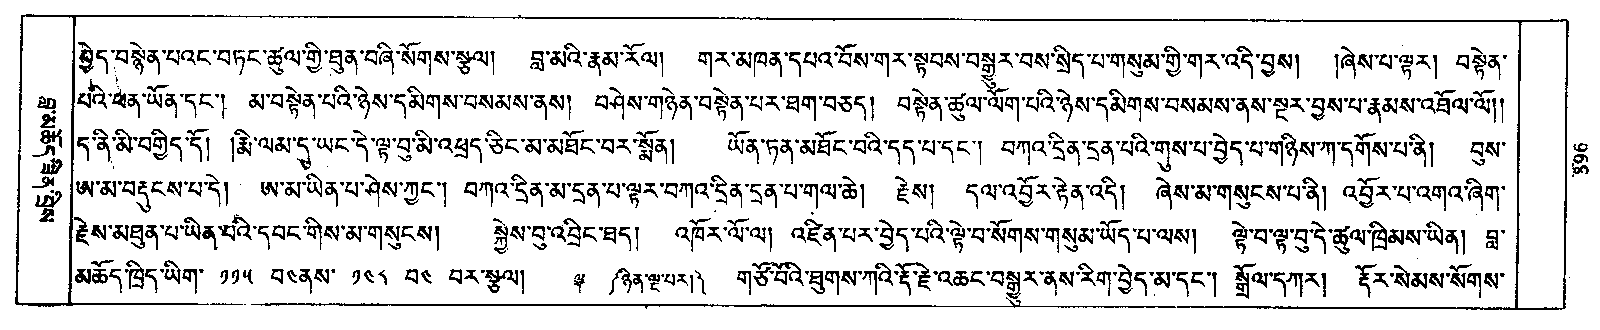བྱེད་བསྙེན་པའང་བཏང་ཚུལ་གྱི་ཐུན་བཞི་སོགས་སྩལ། བླ་མའི་རྣམ་རོལ། གར་མཁན་དཔའ་བོས་གར་སྟབས་བསྒྱུར་བས་སྲིད་པ་གསུམ་གྱི་གར་འདི་བྱས། །ཞེས་པ་ལྟར། བསྟེན་
པའི་ཕན་ཡོན་དང་། མ་བསྟེན་པའི་ཉེས་དམིགས་བསམས་ནས། བཤེས་གཉེན་བསྟེན་པར་ཐག་བཅད། བསྟེན་ཚུལ་ལོག་པའི་ཉེས་དམིགས་བསམས་ནས་སྔར་བྱས་པ་རྣམས་འཐོལ་ལོ།།
ད་ནི་མི་བགྱིད་དོ། །རྨི་ལམ་དུ་ཡང་དེ་ལྟ་བུ་མི་འཕྲད་ཅིང་མ་མཐོང་བར་སྨོན། ཡོན་ཏན་མཐོང་བའི་དད་པ་དང་། བཀའ་དྲིན་དྲན་པའི་གུས་པ་བྱེད་པ་གཉིས་ཀ་དགོས་པ་ནི། བུས་
ཨ་མ་བརྡུངས་པ་དེ། ཨ་མ་ཡིན་པ་ཤེས་ཀྱང་། བཀའ་དྲིན་མ་དྲན་པ་ལྟར་བཀའ་དྲིན་དྲན་པ་གལ་ཆེ། རྗེས། དལ་འབྱོར་རྟེན་འདི། ཞེས་མ་གསུངས་པ་ནི། འབྱོར་པ་འགའ་ཞིག་
རྗེས་མཐུན་པ་ཡིན་པའི་དབང་གིས་མ་གསུངས། སྐྱེས་བུ་འབྲིང་ཐད། འཁོར་ལོ་ལ། འཛིན་པར་བྱེད་པའི་ལྟེ་བ་སོགས་གསུམ་ཡོད་པ་ལས། ལྟེ་བ་ལྟ་བུ་དེ་ཚུལ་ཁྲིམས་ཡིན། བླ་
མཆོད་ཁྲིད་ཡིག ༡༡༥་བ ༤་ནས ༡༤༨་བ ༤་བར་སྩལ། ༈ ཉིན་ལྔ་པར།?་གཙོ་བོའི་ཐུགས་ཀའི་རྡོ་རྗེ་འཆང་བསྒྱུར་ནས་རིག་བྱེད་མ་དང་། སྒྲོལ་དཀར། རྡོར་སེམས་སོགས་